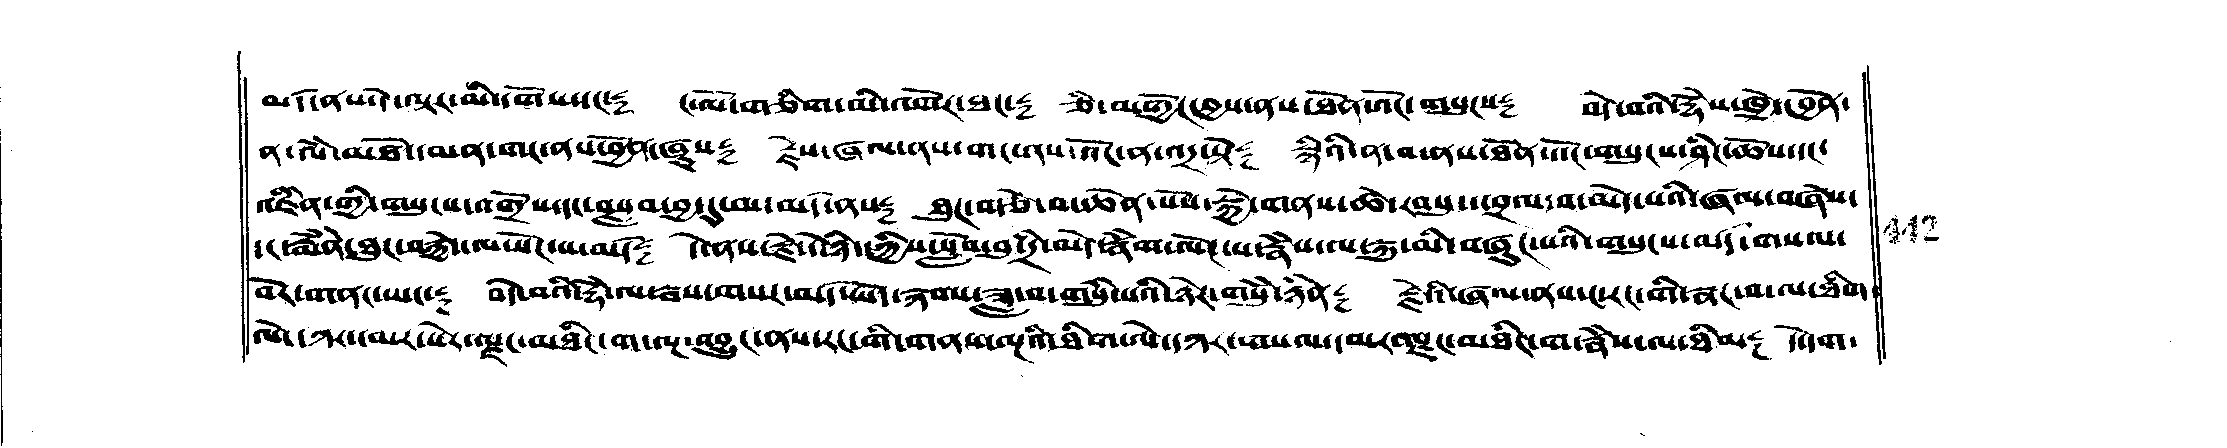མཛད་ནས་དེ་ལྟར་མི་དགོས་དང་། ང་ལོ་གཅིག་མི་འགོར་ཐང་། ཅི་མགྱོགས་བྱས་ནས་ཐོན་འོང་གསུངས། བདེ་བའི་རྡོ་རྗེས་ཁྱེད་བྱོན་
ན་ལམ་མཐོ་དམན་གང་ནས་བྱོན་ཞུས། རྗེས་ཞལ་ནས་གང་ནས་འོང་ན་འདྲ་སྟེ། སྙིའི་ན་བ་ནས་ཐོན་འོང་གསུངས་ཤིང་ཆོས་དང་
འཇིག་རྟེན་གྱི་གསུང་བགྲོས་དང་བསླབ་བྱ་དུ་མ་མཛད་ནས། ཐུགས་བརྩེ་བ་ཆེན་པོས་སྐྱེ་གནས་ཚེ་རབས་སུ་འབྲལ་བ་མེད་པའི་ཞལ་བཞེས་
དང་སྨོན་ལམ་ཐུགས་བསྐྱེད་ལ་སོགས་པ་མཛད། དེ་ནས་རྗེ་དེ་ཉིད་ཀྱིས་སློབ་བུ་དྲི་མེད་རྣམ་དག་ལ་སོགས་པ་རྣམས་ལ་སྐུ་མི་བཞུགས་པའི་གསུང་མཛད་གསལ་
པོར་གནང་ཡང་། བདེ་བའི་རྡོ་རྗེ་ལ་སྦས་གསང་མཛད་ཡོད་སྐབས་ཟླ་བ་གསུམ་པའི་ཉེར་གསུམ་ཉིན། རྗེའི་ཞལ་ནས་ང་རང་གི་སྣང་བ་ལ་ཐིག་
ལེ་དཀར་དམར་སེར་ལྗང་མཐིང་ག་ལྔ་བྱུང་ནས་རང་གི་གནས་ལྔའི་ཐིག་ལེ་དཀར་གསལ་༼སེར་?༽དམར་ལྗང་མཐིང་ག་རྣམས་ལ་ཐིམ། དེ་དག་